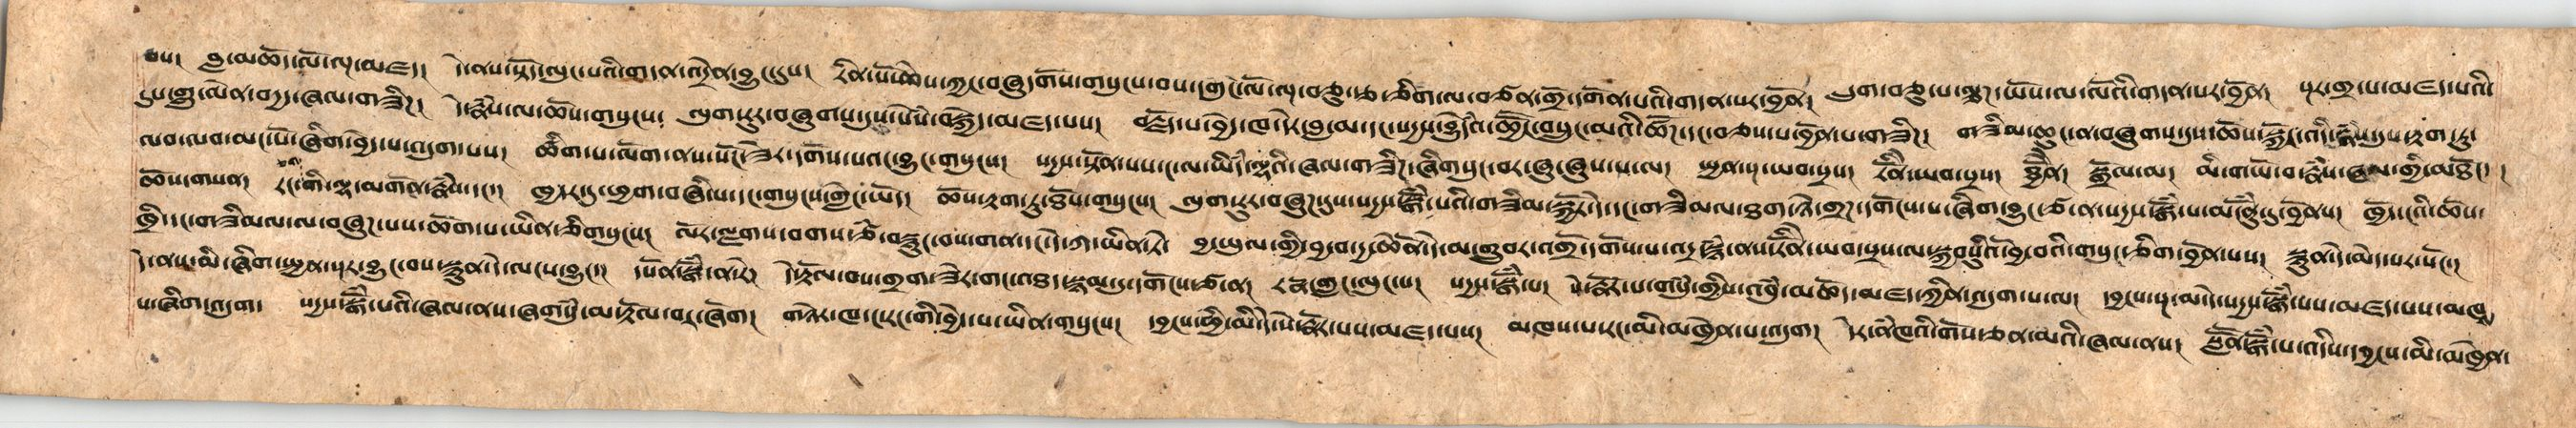བས། བླ་མཆོད་ལོ་ལྔ་མཛད། དེ་ནས་སྟོད་ལུང་པའི་གདན་འདྲེན་བྱུང་དུས། རིན་པོ་ཆེས་ཀྱང་བཞུ་གོས་གསུང་བས་དགུང་ལོ་ལྔ་བཅུ་རྩ་ཅིག་ལ་བཙན་གྲོ་དགོན་པའི་གདན་སར་བྱོན། དྲུག་བཅུ་པ་ལྕཌ་ཡོས་ལ་ལོའི་གདན་སར་བྱོན། སྔར་གྲྭ་པ་མཛད་པའི་
དུས་གླུ་ལེན་བདྱད་ཞལ་གཟིཌ། དེ་རྣཾས་ལ་ཆོས་གསུངས། ལུག་རུར་བཞུགས་དུས་སེཾས་བསྐྱེད་མཛད་པས། བརྗོད་པ་བྱེད་ཁ་དེར་བླ་མ་དང་སདྱས་བྱུདེཾའ་ཆྱཽང་བསྲུང་མའི་ཚོཌ་དང་བཅས་པ་བྱོན་པ་གཟིཌ། གཟིམ་ཆུང་ན་བཞུགས་དུས་ཆོས་སྐྱོང་འདི་རྣཾས་དུས་རྟག་ཏུ་
ལབ་ལབ་མང་པོ་ཞིག་བྱེད་པ་འདུག་པས། ཚིག་པ་ལོག་ནས་སོང་ཟེར་དགོས་པའང་བྱུང་གསུངས། སདྱས་སྟོན་པས་ང་ལ་ཡི་དཾ་ལྷའི་ཞལ་གཟིཌ་ཞིགསུང་བར་ཞུ་ཞུས་པ་ལ། སྤྱན་སྔ་ཡབ་སྲས། རིནོེ་ཡབ་སྲས། ཐྱིནོེ། སྒྲོལ་མ། མི་གཡོ་བ་རྣཾས་ཀྱི་ཞལ་གྱི་མཐོང་།
ཆོས་གསན། རང་གི་ལྷ་མགོན་རྣཾས་དང་། ཁྱདར་དུ་ཕྱག་བཞི་པ་དང་གསུངས་གླེང་ཡོད་། ཆོས་རྟག་ཏུ་ཐོས་གསུངས། ལུག་རུར་བཞུཌ་དུས་སདྱས་སྒོཾ་པའི་གཟིམ་སྐྱོར་དེ་དང་གཟིམལ་ཐག་ཉེ་གྲཌ་དགོངས་པ་ཞིག་བྱུང་ཙ་ན་སདྱས་སྒོཾ་པ་མངོནུཾ་དུ་བྱོནས། ཁྱོད་ངའི་ཆོས་
ཁྲི་དང་གཟིམལ་ལ་བཞུཌ་པས་ཆོག་པ་ཡིན་ཅིགསུངས། ལོར་ལྗགས་བགས་ཙཾ་བསྙུང་བས་གན་དང་དེ་ཀ་ཡིན་ཏེ་ བྱ་ཡུལ་གྱི་བྱ་བ་དྱ་ཆེནོ་དེ་མ་གྲུབར་འགྲོ་དགོས་པ་འདྲ་སྙཾ་ནས་རིནོེ་ཡབ་སྲས་ལ་སྐྱབསིུའོ་བྱ་བའི་གསུང་ཅིག་བྱོན་པས། སྙུན་དེ་མེད་པར་སོང་།
དེ་ནས་མི་ཞིག་སྤྱན་སྔར་བྱུང་བས་སྙུན་དེ་ལངས་བྱུང་། དཔོན་སྒོཾ་ན་རེ། དེ་རྟོལ་བས་གྲག་ཟེར་གང་འཐད་སྙམ་དུ་དགོངས་ཙ་ན། རཏྣ་གླང་ལུང་པ། སདྱས་སྒོཾ་པ། སེ་རྣོར་པ་གསུཾ་གྱིས་འབུཾ་མཆོད་མཛད་ཀྱིན་འདུག་པ་ལ། དབྱངས་སྔ་མ་དེ་སདྱས་སྒོཾ་པས་མཛད་པས་མཁས
པ་ཞིག་འདུག་ སདྱས་སྒོཾ་པའི་ཞལ་ནས་ཞགསུཾ་མ་རྟོལ་བར་ཞོག། གཉེར་ཁ་ང་རང་གི་བྱེད་པ་ཡིན་གསུངས། དབྱངས་ཕྱི་མི་དེ་སེ་རྣོར་པས་མཛད་པས། མཁས་པ་རང་མི་མཁྱེན་པ་འདུག། དེར་ནཾཁའི་གོས་ཅན་མའི་ཞལ་ནས། སླཽན་སྒོཾ་པ་འདིས་དབྱངས་མི་མཁྱེན་